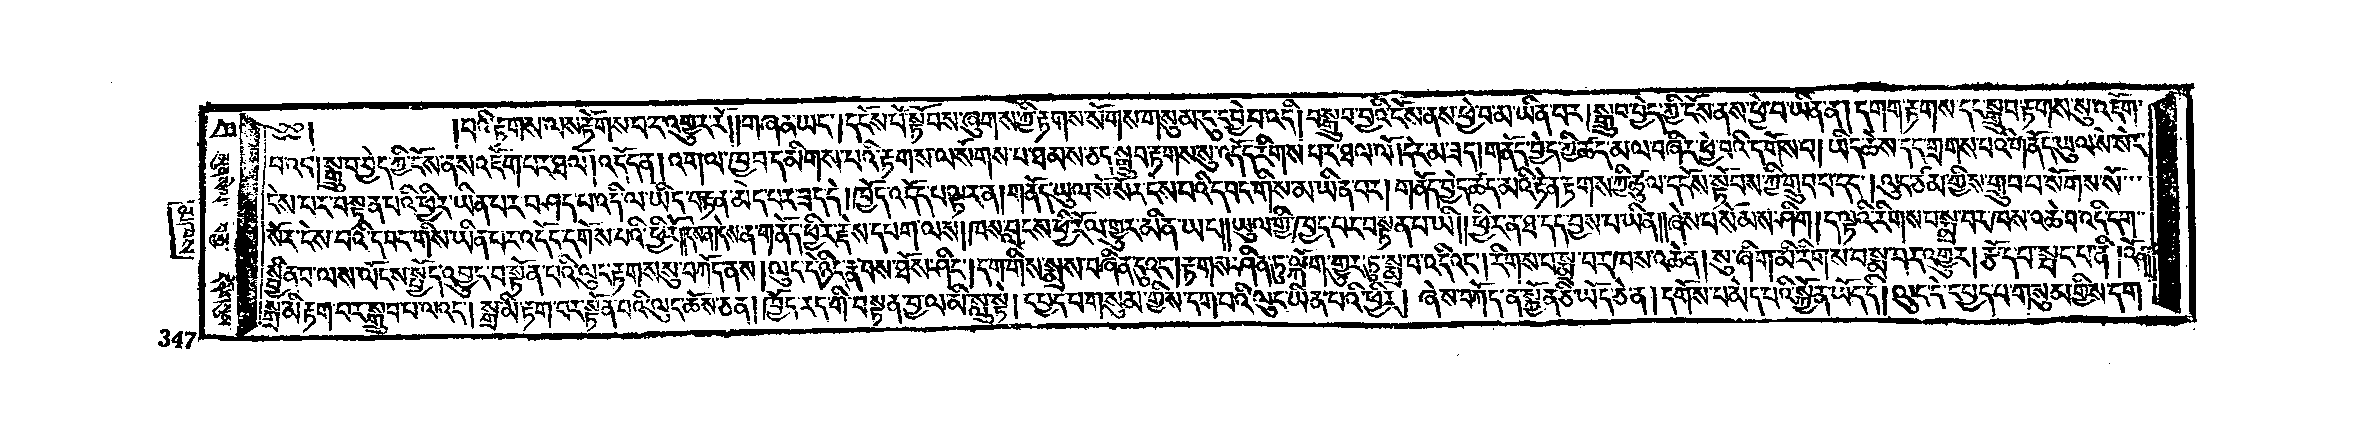༄༅། །པའི་རྟགས་ལས་རྟོགས་པར་འགྱུར་རོ། །གཞན་ཡང་།དངོས་པོ་སྟོབས་ཞུགས་ཀྱི་རྟགས་སོགས་གསུམ་དུ་དབྱེ་བ་འདི། བསྒྲུབ་བྱའི་ངོས་ནས་ཕྱེ་བ་མ་ཡིན་པར། སྒྲུབ་བྱེད་ཀྱི་ངོས་ནས་ཕྱེ་བ་ཡིན་ན། དགག་རྟགས་དང་སྒྲུབ་རྟགས་སུ་འཇོག་
པའང་། སྒྲུབ་བྱེད་ཀྱི་ངོས་ནས་འཇོག་པར་ཐལ་ལོ། འདོད་ན། འགལ་ཁྱབ་དམིགས་པའི་རྟགས་ལ་སོགས་པ་ཐམས་ཅད་སྒྲུབ་རྟགས་སུ་འདོད་རིགས་པར་ཐལ་ལོ། དེར་མ་ཟད། གནོད་བྱེད་ཀྱི་ཚད་མ་ལ་བཞིར་ཕྱེ་བའི་དགོས་པ། ཡིད་ཆེས་དང་གྲགས་པའི་གནོད་ཡུལ་སོ་སོར་
ངེས་པར་བསྟན་པའི་ཕྱིར་ཡིན་པར་བཤད་པ་འདི་ལ་ཡིད་བརྟན་མེད་པར་ཟད་དེ། ཁྱོད་འདོད་པ་ལྟར་ན། གནོད་ཡུལ་སོ་སོར་ངེས་པའི་དབང་གིས་མ་ཡིན་པར། གནོད་བྱེད་ཚད་མའི་རྟེན་རྟགས་ཀྱི་ཚུལ་དངོས་སྟོབས་ཀྱི་གྲུབ་པ་དང་། ལུང་ཙམ་གྱིས་གྲུབ་པ་སོགས་སོ་
སོར་ངེས་པའི་དབང་གིས་ཡིན་པར་འདོད་དགོས་པའི་ཕྱིར་རོ། །དེས་ན་གནོད་ཕྱིར་རྗེས་དཔག་ལས། ཁས་བླངས་ཕྱི་རོལ་གྱུར་མིན་ཡང་། །ཡུལ་གྱི་ཁྱད་པར་བསྟན་པ་ཡི། །ཕྱིར་ན་ཐ་དད་བྱས་པ་ཡིན། །ཞེས་པ་སེམས་?་ཤིག །ད་ལྟའི་རིགས་པ་སྨྲ་བར་ཁས་འཆི་?་བ་འདི་དག་
སྦྱིན་པ་ལས་ལོངས་སྤྱོད་འབྱུང་བ་སྟོན་པའི་ལུང་རྟགས་སུ་བཀོད་ནས། ལུང་དེ་ཉིད་རྣ་བས་?་ཐོས་ཤིང་། དག་གིས་སྨྲས་བཞིན་དུའང་། རྟགས་ཤིན་ཏུ་ལྐོག་གྱུར་ཏུ་སྨྲ་བ་འདི་འང་?་།རིགས་པ་སྨྲ་བར་ཁས་འཆི་?་ན། སུ་ཞིག་མི་རིགས་པ་སྨྲ་བར་འགྱུར། རྩོད་པ་སྤང་པ་ནི། འོ་ན།
སྒྲ་མི་རྟག་པར་སྒྲུབ་པ་ལའང་། སྒྲ་མི་རྟག་པར་སྟོན་པའི་ལུང་ཆོས་ཅན། ཁྱོད་རང་གི་བསྟན་བྱ་ལ་མི་སླུ་སྟེ། དཔྱད་པ་གསུམ་གྱིས་དག་པའི་ལུང་ཡིན་པའི་ཕྱིར། ཞེས་བཀོད་ན་སྐྱོན་ཅི་ཡོད་ཅེ་ན། དགོས་པ་མེད་པའི་སྐྱོན་ཡོད་དེ། ལུང་དེ་དཔྱད་པ་གསུམ་གྱིས་དག་